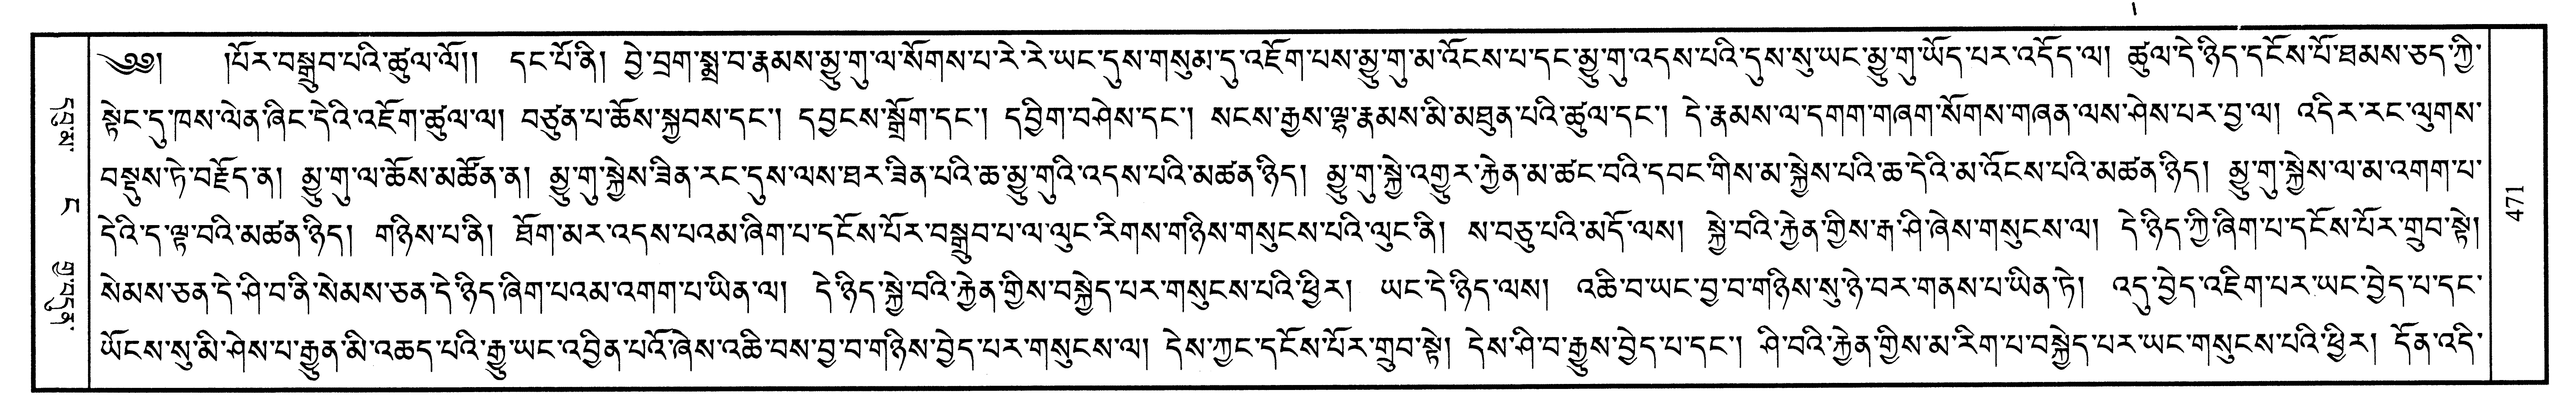༄༅། །པོར་བསྒྲུབ་པའི་ཚུལ་ལོ།། དང་པོ་ནི། བྱེ་བྲག་སྨྲ་བ་རྣམས་མྱུ་གུ་ལ་སོགས་པ་རེ་རེ་ལ་ཡང་དུས་གསུམ་དུ་འཇོག་པས་མྱུ་གུ་མ་འོངས་པ་དང་མྱུ་གུ་འདས་པའི་དུས་སུ་ཡང་མྱུ་གུ་ཡོད་པར་འདོད་ལ། ཚུལ་དེ་ཉིད་དངོས་པོ་ཐམས་ཅད་ཀྱི་
སྟེང་དུ་ཁས་ལེན་ཞིང་དེའི་འཇོག་ཚུལ་ལ། བཙུན་པ་ཆོས་སྐྱབས་དང་། དབྱངས་སྒྲོག་དང་། དབྱིག་བཤེས་དང་། སངས་རྒྱས་ལྷ་རྣམས་མི་མཐུན་པའི་ཚུལ་དང་། དེ་རྣམས་ལ་དགག་གཞག་སོགས་གཞན་ལས་ཤེས་པར་བྱ་ལ། འདིར་རང་ལུགས་
བསྡུས་ཏེ་བརྗོད་ན། མྱུ་གུ་ལ་ཆོས་མཚོན་ན། མྱུ་གུ་སྐྱེས་ཟིན་རང་དུས་ལས་ཐར་ཟིན་པའི་ཆ་མྱུ་གུའི་འདས་པའི་མཚན་ཉིད། མྱུ་གུ་སྐྱེ་འགྱུར་རྐྱེན་མ་ཚང་བའི་དབང་གིས་མ་སྐྱེས་པའི་ཆ་དེའི་མ་འོངས་པའི་མཚན་ཉིད། མྱུ་གུ་སྐྱེས་ལ་མ་འགག་པ་
དེའི་ད་ལྟ་བའི་མཚན་ཉིད། གཉིས་པ་ནི། ཐོག་མར་འདས་པའམ་ཞིག་པ་དངོས་པོར་བསྒྲུབ་པ་ལ་ལུང་རིགས་གཉིས་གསུངས་པའི་ལུང་ནི། ས་བཅུ་པའི་མདོ་ལས། སྐྱེ་བའི་རྐྱེན་གྱིས་རྒ་ཤི་ཞེས་གསུངས་ལ། དེ་ཉིད་ཀྱི་ཞིག་པ་དངོས་པོར་གྲུབ་སྟེ།
སེམས་ཅན་དེ་ཤི་བ་ནི་སེམས་ཅན་དེ་ཉིད་ཞིག་པའམ་འགག་པ་ཡིན་ལ། དེ་ཉིད་སྐྱེ་བའི་རྐྱེན་གྱིས་བསྐྱེད་པར་གསུངས་པའི་ཕྱིར། ཡང་དེ་ཉིད་ལས། འཆི་བ་ཡང་བྱ་བ་གཉིས་སུ་ཉེ་བར་གནས་པ་ཡིན་ཏེ། འདུ་བྱེད་འཇིག་པར་ཡང་བྱེད་པ་དང་
ཡོངས་སུ་མི་ཤེས་པ་རྒྱུན་མི་འཆད་པའི་རྒྱུ་ཡང་འབྱིན་པའོ་ཞེས་འཆི་བས་བྱ་བ་གཉིས་བྱེད་པར་གསུངས་ལ། དེས་ཀྱང་དངོས་པོར་གྲུབ་སྟེ། དེས་ཤི་བ་རྒྱུས་བྱེད་པ་དང་། ཤི་བའི་རྐྱེན་གྱིས་མ་རིག་པ་བསྐྱེད་པར་ཡང་གསུངས་པའི་ཕྱིར། དོན་འདི་